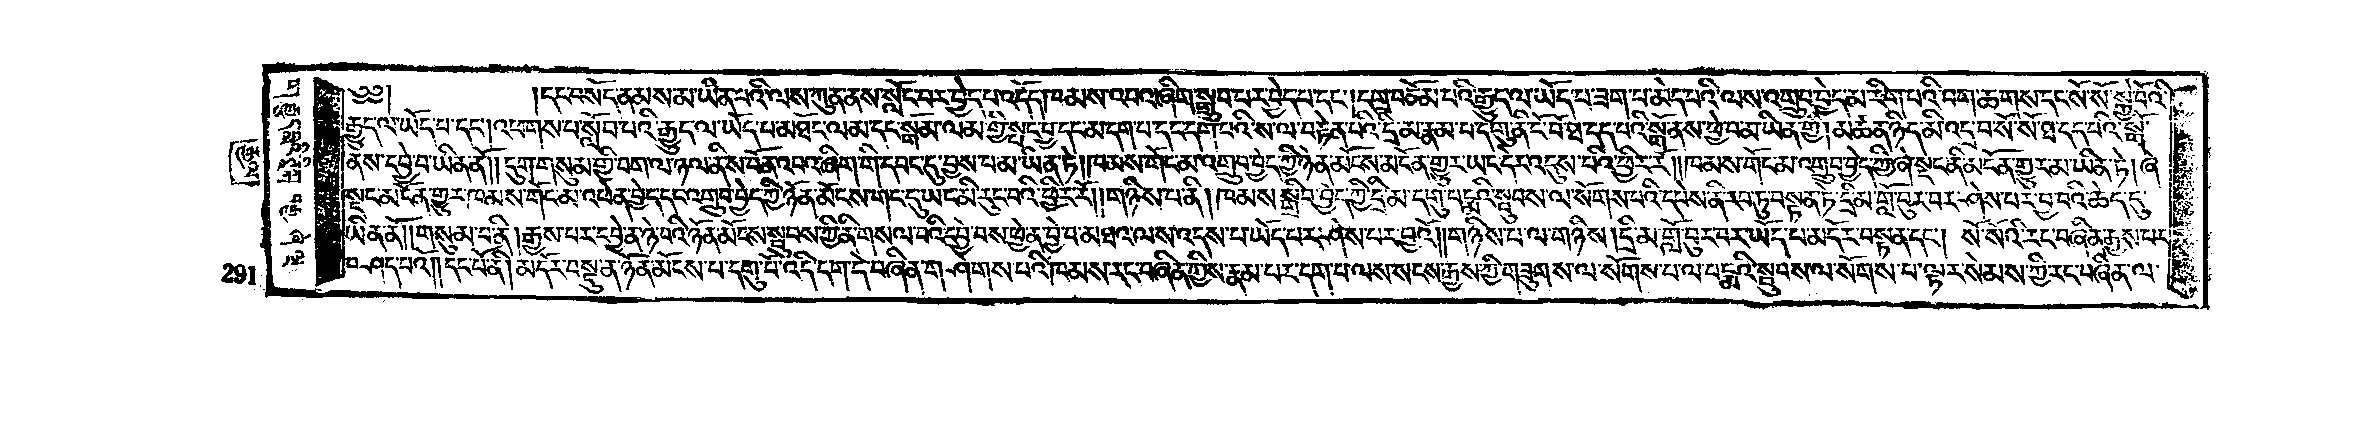༄༅། །དང་བསོད་ནམས་མ་ཡིན་པའི་ལས་ཀུན་ནས་སློང་བར་བྱེད་པ་འདོད་ཁམས་འབའ་ཞིག་སྒྲུབ་པར་བྱེད་པ་དང་། དགྲ་བཅོམ་པའི་རྒྱུད་ལ་ཡོད་པ་ཟག་པ་མེད་པའི་ལས་འགྲུབ་བྱེད་མ་རིག་པའི་བག་ཆགས་དང་སོ་སོ་སྐྱེ་བོའི་
རྒྱུད་ལ་ཡོད་པ་དང་། འཕགས་པ་སློབ་པའི་རྒྱུད་ལ་ཡོད་པ་མཐོང་ལམ་དང་སྒོམ་ལམ་གྱི་སྤང་བྱ་དང་མ་དག་པ་དང་དག་པའི་ས་ལ་བརྟེན་པའི་དྲི་མ་རྣམ་པ་དགུ་ནི་ངོ་བོ་ཐ་དད་པའི་སྒོ་ནས་ཕྱེ་བ་མ་ཡིན་གྱི་།མཚན་ཉིད་མི་འདྲ་བ་སོ་སོ་ཐ་དད་པའི་སྒོ་
ནས་དབྱེ་བ་ཡིན་ནོ། །དུག་གསུམ་གྱི་བག་ལ་ཉལ་ནི་ས་བོན་འབའ་ཞིག་གི་དབང་དུ་བྱས་པ་མ་ཡིན་ཏེ། ཁམས་གོང་མ་འགྲུབ་བྱེད་ཀྱི་ཉོན་མོངས་མངོན་གྱུར་ཡང་དེར་འདུས་པའི་ཕྱིར་རོ། །ཁམས་གོང་མ་འགྲུབ་བྱེད་ཀྱི་ཞེ་སྡང་ནི་མངོན་གྱུར་མ་ཡིན་ཏེ། ཞེ་
སྡང་མངོན་གྱུར་ཁམས་གོང་མ་འཕེན་བྱེད་དང་འགྲུབ་བྱེད་ཀྱི་ཉོན་མོངས་གང་དུ་ཡང་མི་རུང་བའི་ཕྱིར་རོ། །གཉིས་པ་ནི། ཁམས་སྒྲིབ་བྱེད་ཀྱི་དྲི་མ་དགུ་པདམའི་སྦུབས་ལ་སོགས་པའི་དཔེས་ནི་རབ་ཏུ་བསྟན་ཏེ་དྲི་མ་གློ་བུར་བར་ཤེས་པར་བྱ་བའི་ཆེད་དུ་
ཡིན་ནོ། །གསུམ་པ་ནི། རྒྱས་པར་དབྱེ་ན་ཉེ་བའི་ཉོན་མོངས་སྦུབས་ཀྱི་ནི་གསལ་བའི་དབྱེ་བས་ཕྱེ་ན་དབྱེ་བ་མཐའ་ལས་འདས་པ་ཡོད་པར་ཤེས་པར་བྱའོ། །གཉིས་པ་ལ་གཉིས། དྲི་མ་གློ་བུར་བར་ཡོད་པ་མདོར་བསྟན་དང་། སོ་སོའི་རང་བཞིན་རྒྱས་པར་
བཤད་པའོ། །དང་པོ་ནི། མདོར་བསྡུ་ན་ཉོན་མོངས་པ་དགུ་པོ་འདི་དག་དེ་བཞིན་གཤེགས་པའི་ཁམས་རང་བཞིན་གྱིས་རྣམ་པར་དག་པ་ལས་སངས་རྒྱས་ཀྱི་གཟུགས་ལ་སོགས་པ་ལ་པདམའི་སྦུབས་ལ་སོགས་པ་ལྟར་སེམས་ཀྱི་རང་བཞིན་ལ་